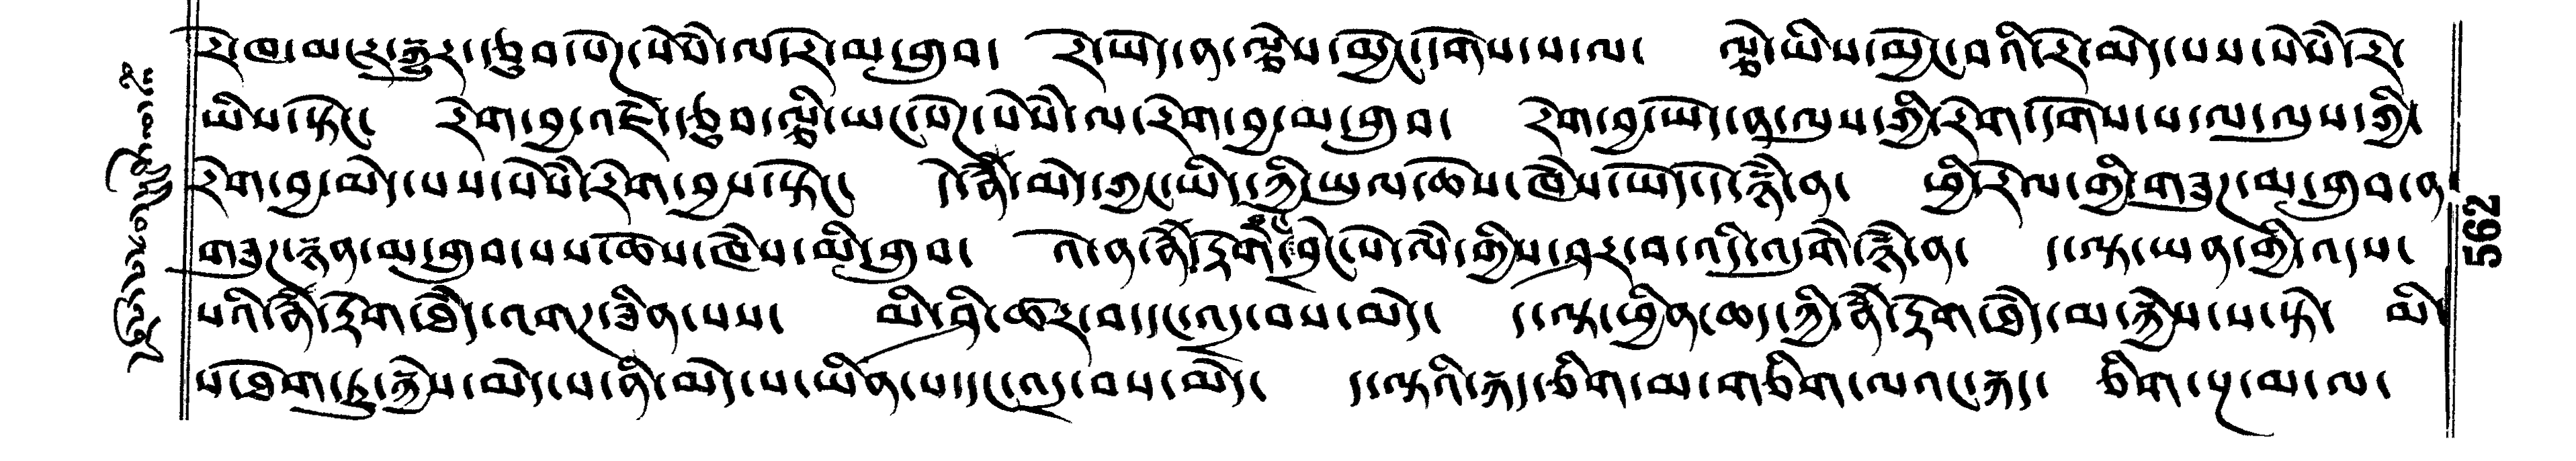རོ་ཁ་མངར་སྐྱུར་སོགས་སེམས་ལ་རོ་མ་གྲུབ། རོ་ཡོད་ན་ལྕེས་མྱོང་དགོས་པ་ལ། ལྕེ་ཡིས་མྱོང་བའི་རོ་མེད་པས་སེམས་རོ་
ཡིས་སྟོང་། རེག་བྱ་འཇམ་རྩུབ་ལྕི་ཡང་སོགས་སེམས་ལ་རེག་བྱ་མ་གྲུབ། རེག་བྱ་ཡོད་ན་ལུས་ཀྱི་རེག་དགོས་པ་ལ་ལུས་ཀྱི་
རེག་བྱ་མེད་པས་སེམས་རེག་བྱས་སྟོང་། དེ་རྣམས་མེད་ཀྱང་ཡིད་ཀྱི་ཡུལ་ཆོས་ཁམས་ཡོད་དོ་སྙམ་ན། ཕྱི་རོལ་གྱི་གཟུགས་མ་གྲུབ་ན་
གཟུགས་སྙན་མ་གྲུབ་པས་ཆོས་ཁམས་མི་གྲུབ། འོ་ན་རྣམ་རྟོག་བྲེང་བྲེང་པོ་ལམ་གྱིས་ཤར་བ་འདི་འདུག་གམ་སྙམ་ན། ད་ལྟར་ཡན་གྱི་འདས་
པའི་རྣམ་རྟོག་ཐམས་ཅད་འགགས་ཟིན་པས། མི་ཤི་ཚར་བ་དང་འདྲ་བས་མེད། ད་ལྟར་ཕྱིན་ཆད་ཀྱི་རྣམ་རྟོག་ཐམས་ཅད་མ་སྐྱེས་པ་སྟེ། མི་
ས་ཐོག་ཏུ་སྐྱེས་མེད་པ་ནི་མེད་པ་ཡིན་པ་དང་འདྲ་བས་མེད། ད་ལྟའི་སྐད་ཅིག་མ་གཅིག་ལའང་སྐད་ཅིག་སྔ་མ་ལ་